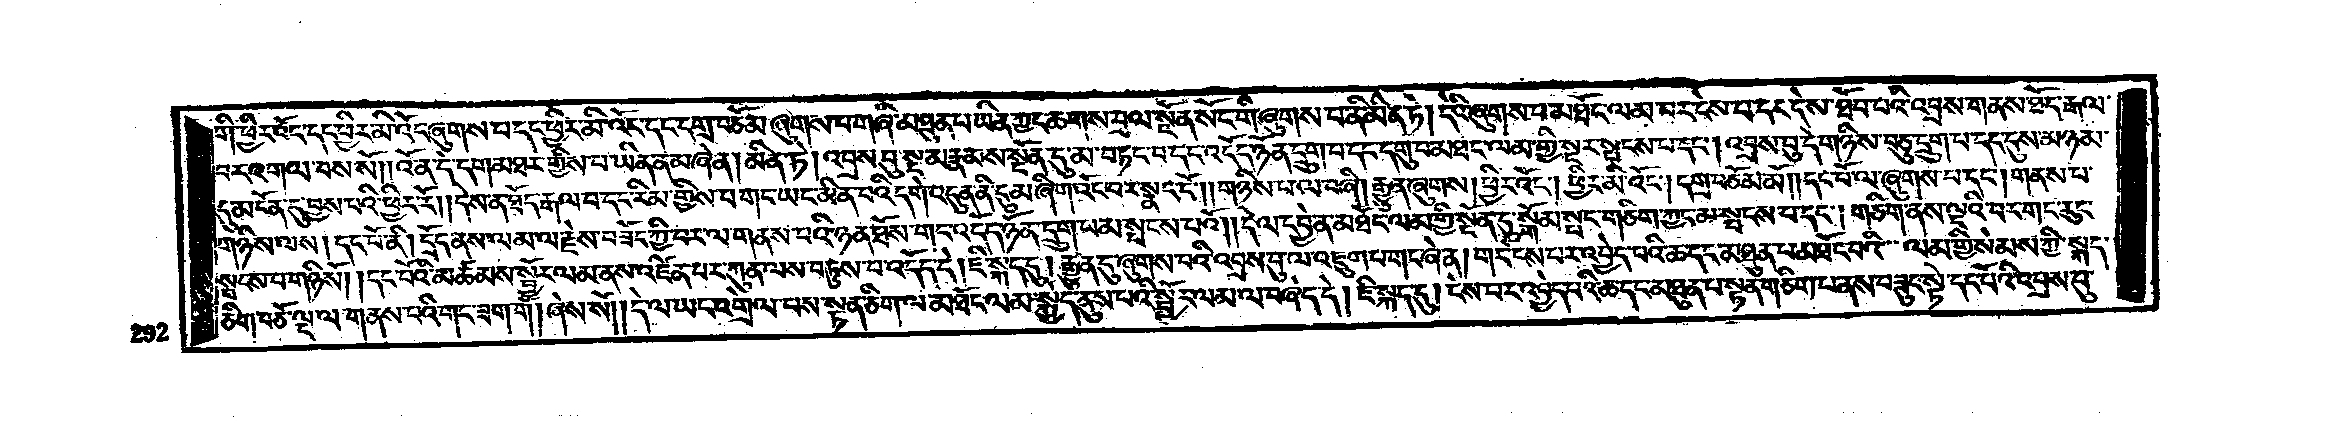གི་ཕྱིར་འོང་དང་ཕྱིར་མི་འོང་ཞུགས་པ་དང་ཕྱིར་མི་འོང་དང་དགྲ་བཅོམ་ཞུགས་པ་གཞི་མཐུན་པ་ཡིན་ཀྱང་ཆགས་བྲལ་སྔོན་སོང་གི་ཞུགས་པ་ནི་མིན་ཏེ། དེའི་ཞུགས་པ་མཐོང་ལམ་པར་ངེས་པ་དང་དེས་ཐོབ་པའི་འབྲས་གནས་ཐོད་རྒལ་
བར་འགལ་བས་སོ། །འོ་ན་དེ་དག་མཐར་གྱིས་པ་ཡིན་ནམ་ཞེ་ན། མིན་ཏེ། འབྲས་བུ་སྔ་མ་རྣམས་སྔོན་དུ་མ་བཏང་བ་དང་འདོད་ཉེན་དྲུག་པ་དང་དགུ་པ་མཐོང་ལམ་གྱི་སྔར་སྤངས་པ་དང་། འབྲས་བུ་དེ་གཉིས་བཅུ་དྲུག་པ་དང་དུས་མཉམ་
དུ་མངོན་དུ་བྱས་པའི་ཕྱིར་རོ། །དེས་ན་ཐོད་རྒལ་བ་དང་རིམ་གྱིས་པ་གང་ཡང་མིན་པའི་དགེ་འདུན་ནི་དུ་མ་ཞིག་འོང་བར་སྣང་ངོ། །གཉིས་པ་ལ་བཞི། རྒྱུན་ཞུགས། ཕྱིར་འོང་། ཕྱིར་མི་འོང་། དགྲ་བཅོམ་མོ། །དང་པོ་ལ་ཞུགས་པ་དང་། གནས་པ་
གཉིས་ལས། དང་པོ་ནི། དྲོད་ནས་ལམ་ལ་རྗེས་བཟོད་ཀྱི་བར་ལ་གནས་པའི་ཉན་ཐོས་གང་འདོད་ཉོན་དྲུག་པ་མ་སྤངས་པའོ། །དེ་ལ་དབྱེ་ན་མཐོང་ལམ་གྱི་སྔོན་དུ་སྒོམ་སྤང་གཅིག་ཀྱང་མ་སྤངས་པ་དང་། གཅིག་ནས་ལྔའི་བར་གང་རུང་
སྤངས་པ་གཉིས་སོ། །དང་པོའི་མཚམས་སྦྱོར་ལམ་ནས་འཛིན་པར་ཀུན་ལས་བཏུས་པ་འདོད་དེ། ཇི་སྐད་དུ། རྒྱུན་དུ་ཞུགས་པའི་འབྲས་བུ་ལ་འཇུག་པ་གང་ཞེ་ན། གང་ངེས་པར་འབྱེད་པའི་ཆ་དང་མཐུན་པ་མཐོང་བའི་ལམ་གྱི་སེམས་ཀྱི་སྐད་
ཅིག་བཅོ་ལྔ་ལ་གནས་པའི་གང་ཟག་གོ །ཞེས་སོ། །དེ་ལ་ཡང་འགྲེལ་པས་སྟན་ཅིག་ལ་མཐོང་ལམ་སྐྱེད་ནུས་པའི་སྦྱོར་ལམ་ལ་བཞེད་དེ། ཇི་སྐད་དུ། ངེས་པར་འབྱེད་པའི་ཆ་དང་མཐུན་པ་སྟན་གཅིག་པ་ནས་བཟུང་སྟ་དང་པོའི་འབྲས་བུ་